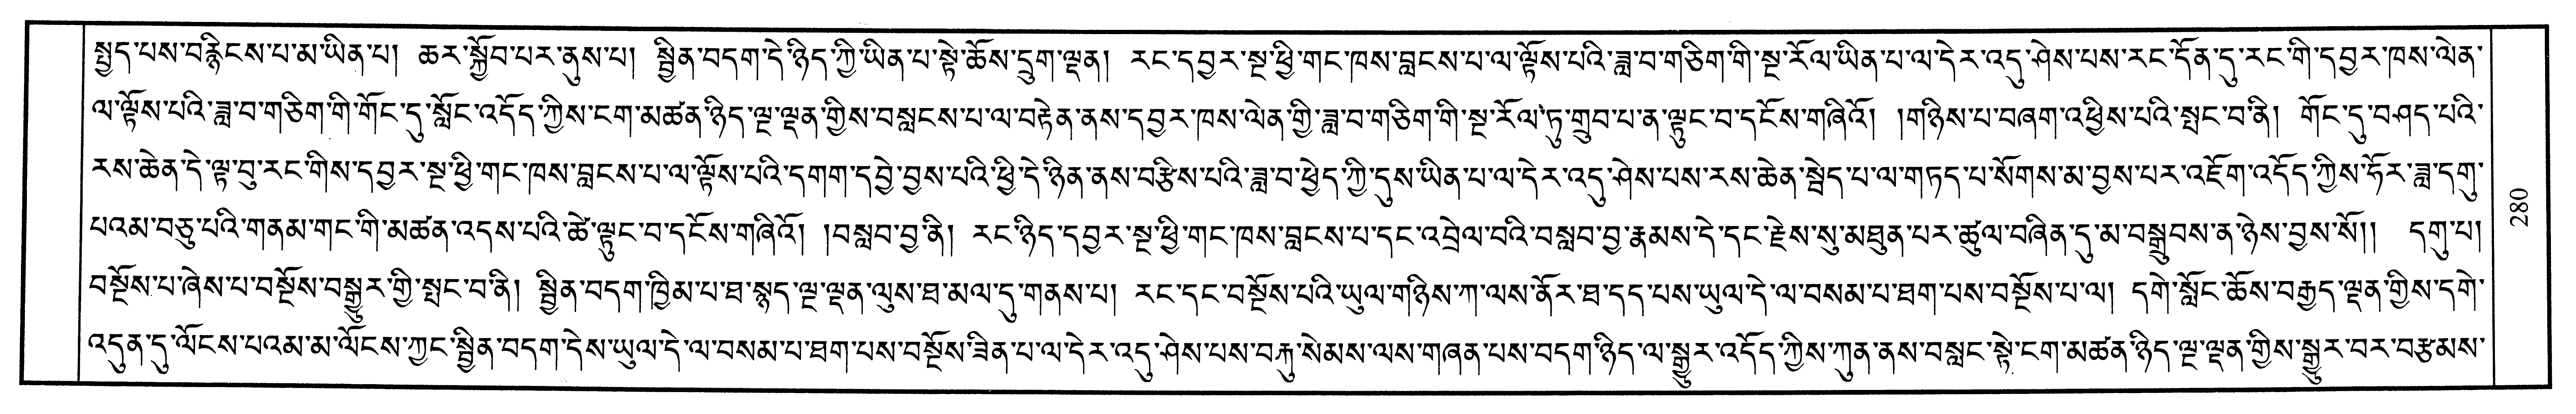སྤྱད་པས་བརྙིངས་པ་མ་ཡིན་པ། ཆར་སྐྱོབ་པར་ནུས་པ། སྦྱིན་བདག་དེ་ཉིད་ཀྱི་ཡིན་པ་སྟེ་ཆོས་དྲུག་ལྡན། རང་དབྱར་སྔ་ཕྱི་གང་ཁས་བླངས་པ་ལ་ལྟོས་པའི་ཟླ་བ་གཅིག་གི་སྔ་རོལ་ཡིན་པ་ལ་དེར་འདུ་ཤེས་པས་རང་དོན་དུ་རང་གི་དབྱར་ཁས་ལེན་
ལ་ལྟོས་པའི་ཟླ་བ་གཅིག་གི་གོང་དུ་སློང་འདོད་ཀྱིས་ངག་མཚན་ཉིད་ལྔ་ལྡན་གྱིས་བསླངས་པ་ལ་བརྟེན་ནས་དབྱར་ཁས་ལེན་གྱི་ཟླ་བ་གཅིག་གི་སྔ་རོལ་ཏུ་གྲུབ་པ་ན་ལྟུང་བ་དངོས་གཞིའོ། །གཉིས་པ་བཞག་འཕྱིས་པའི་སྤང་བ་ནི། གོང་དུ་བཤད་པའི་
རས་ཆེན་དེ་ལྟ་བུ་རང་གིས་དབྱར་སྔ་ཕྱི་གང་ཁས་བླངས་པ་ལ་ལྟོས་པའི་དགག་དབྱེ་བྱས་པའི་ཕྱི་དེ་ཉིན་ནས་བརྩིས་པའི་ཟླ་བ་ཕྱེད་ཀྱི་དུས་ཡིན་པ་ལ་དེར་འདུ་ཤེས་པས་རས་ཆེན་སྦེད་པ་ལ་གཏད་པ་སོགས་མ་བྱས་པར་འཇོག་འདོད་ཀྱིས་ཧོར་ཟླ་དགུ་
པའམ་བཅུ་པའི་གནམ་གང་གི་མཚན་འདས་པའི་ཚེ་ལྟུང་བ་དངོས་གཞིའོ། །བསླབ་བྱ་ནི། རང་ཉིད་དབྱར་སྔ་ཕྱི་གང་ཁས་བླངས་པ་དང་འབྲེལ་བའི་བསླབ་བྱ་རྣམས་དེ་དང་རྗེས་སུ་སུ་མཐུན་པར་ཚུལ་བཞིན་དུ་མ་བསྒྲུབས་ན་ཉེས་བྱས་སོ།། དགུ་པ།
བསྔོས་པ་ཞེས་པ་བསྔོས་བསྒྱུར་གྱི་སྤང་བ་ནི། སྦྱིན་བདག་ཁྱིམ་པ་ཐ་སྙད་ལྔ་ལྡན་ལུས་ཐ་མལ་དུ་གནས་པ། རང་དང་བསྔོས་པའི་ཡུལ་གཉིས་ཀ་ལས་ནོར་ཐ་དད་པས་ཡུལ་དེ་ལ་བསམ་པ་ཐག་པས་བསྔོས་པ་ལ། དགེ་སློང་ཆོས་བརྒྱད་ལྡན་གྱིས་དགེ་
འདུན་དུ་ལོངས་པའམ་མ་ལོངས་ཀྱང་སྦྱིན་བདག་དེས་ཡུལ་དེ་ལ་བསམ་པ་ཐག་པས་བསྔོས་ཟིན་པ་ལ་དེར་འདུ་ཤེས་པས་བརྐུ་སེམས་ལས་གཞན་པས་བདག་ཉིད་ལ་སྒྱུར་འདོད་ཀྱིས་ཀུན་ནས་བསླང་སྟེ་ངག་མཚན་ཉིད་ལྔ་ལྡན་གྱིས་སྒྱུར་བར་བརྩམས་